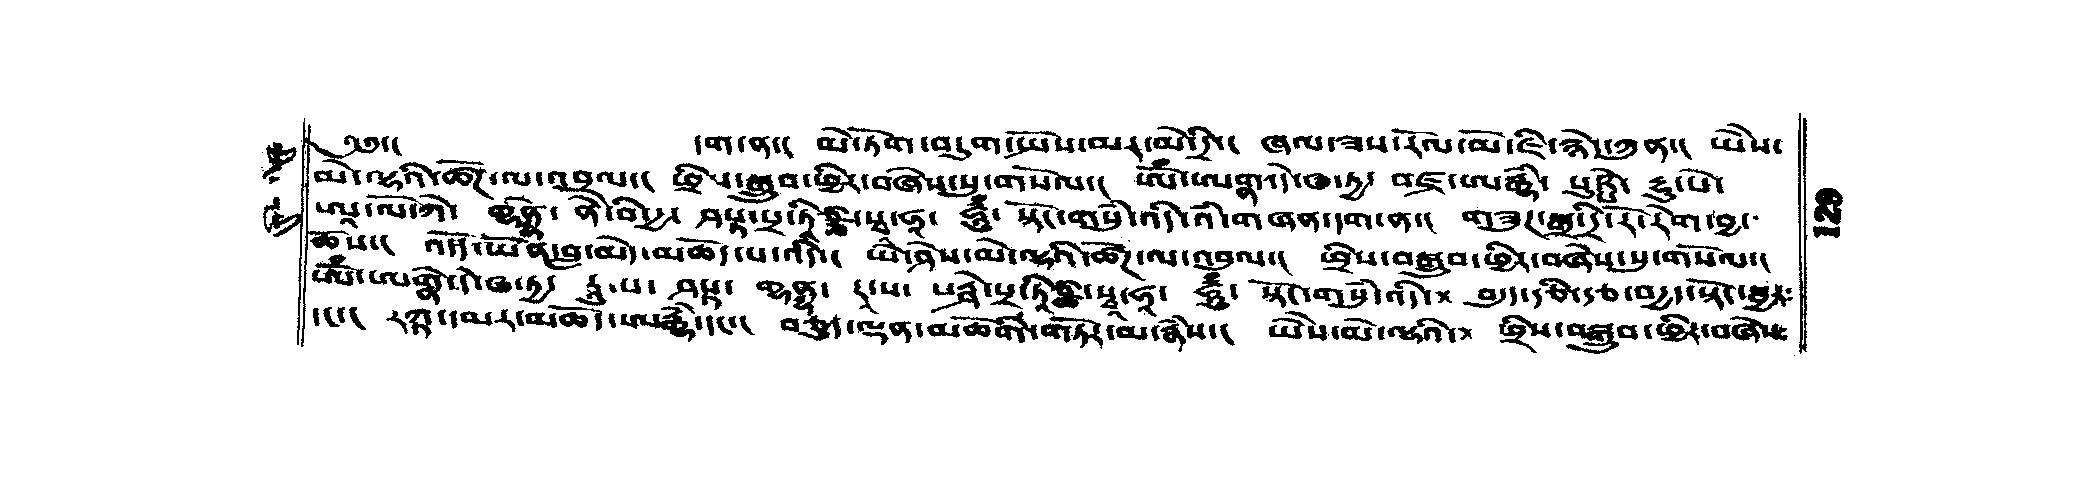དག་ན། །མེ་ཏོག་བདུག་སྤོས་མར་མེ་དྲི། །ཞལ་ཟས་རོལ་མོ་ཇི་སྙེད་ཀུན། །ཡེ་ཤེས་
མེ་ལྷའི་ཚོགས་ལ་འབུལ། །ཕྲིན་ལས་སྒྲུབ་ཕྱིར་བཞེས་སུ་གསོལ། །ཨོ་གྣ་དེ་ཝ་ཏྱ། བཛྲ་ཨརྒྷཾ། པུཥྤེ། དྷུ་པེ། 
ཨཱ་ལོ་ཀེ། གྷནྡྷེ། ནཻ་བི་དྱ། ཤཔྟ་པྲ་ཏཱི་ཙྪ་སྭཱ་ཧཱ། ཧཱུྃ། སྟོང་གསུམ་འདིའམ་གཞན་དག་ན། །གཟུགས་སྒྲ་དྲི་རོ་རེག་བྱ་
ཆོས། །འདོད་ཡོན་བླ་མེད་མཆོད་པ་འདི། །ཡེ་ཤེས་མེ་ལྷའི་ཚོགས་ལ་འབུལ། །ཕྲིན་ལས་བསྒྲུབ་ཕྱིར་བཞེས་སུ་གསོལ། །
ཨོྃ་ཨགྣེ་དེ་ཝ་ཏྱ། རཱུ་པ། ཤཔྟ། གྷནྡྷ། རཱ་ས། པརྴེ་པྲ་ཏཱི་ཙྪ་སྭཱ་ཧཱ། སྟོང་གསུམ་འདི་༴ བདུད་རྩི་རྩ་བརྒྱད་སྟོང་སྦྱར་
དང་། །རཀྟ་དམར་མཆོད་ཨརྒྷཾ་དང་། །བཅུད་ལྡན་མཆོག་གི་གཏོར་མ་རྣམས། །ཡེ་ཤེས་མེ་ལྷའི་༴ཕྲིན་ལས་བསྒྲུབ་ཕྱིར་བཞེས་